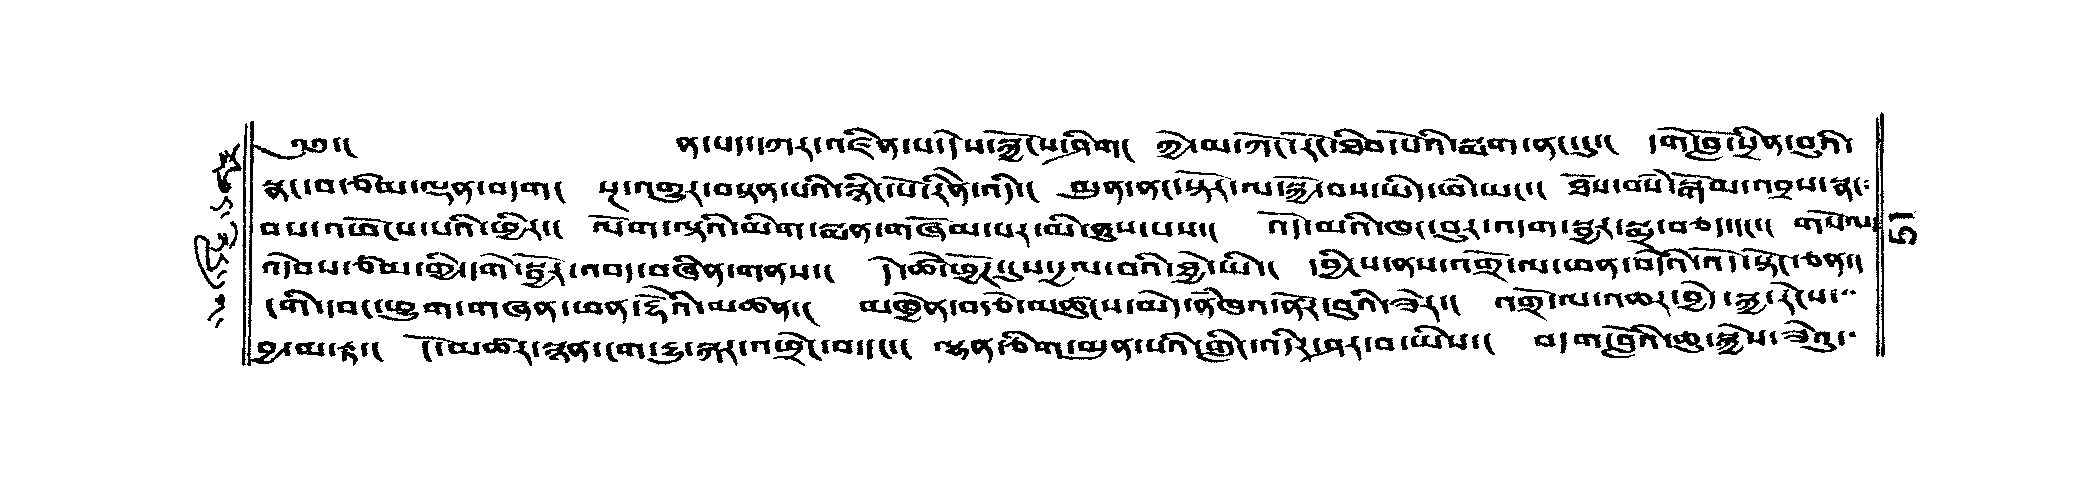ན་པད་དཀར་འཛིན་པ་དེས་སྐྱོངས་ཤིག ཀྱེ་མ་ཀོང་རོང་ཐིབ་པོའི་སྨག་ནང་དུ། །དགེ་བློ་སྲིན་བུའི་
སྣང་བ་ཙམ་ལྡན་བདག སྔ་འགྱུར་བསྟན་པའི་སྙིང་པོ་རིན་ཆེན་འདི། །མུན་ནང་སྟོར་ལ་སྐྱོ་བས་ཡིད་ཕམ་ཡང་། །ཐོས་བསམ་སྒོམ་འབྲས་སྣང་
བས་འཕོངས་པའི་ཕྱིར། །ལོག་ལྟའི་མིག་སྨན་གཞོམ་པར་མི་ནུས་པས། །འོད་མའི་ཁང་བུར་འདག་སྦྱར་སྨྲ་བཅད་དང་། །གསོལ་
འདེབས་ཙམ་གྱི་དགེ་སྦྱོར་འབད་བཞིན་གནས། །དེ་ཚེ་ཕྱོགས་དུས་རྒྱལ་བའི་ཐུགས་རྗེ་ཡི། །དབྱིངས་ནས་འགྲོ་ལ་ཕན་བདེའི་འོད་སྟོང་ཅན། །
ངག་གི་དབང་ཕྱུག་གཞན་ཕན་རྡོ་རྗེའི་མཚན། །མཁྱེན་བརྩེ་མཚུངས་མེད་ནམ་མཁའ་ནོར་བུའི་ཟེར། །འགྲོ་ལ་འཆར་བྱེད་སྐྱ་རེངས་
བྱ་མ་རྟ། །ངོ་མཚར་སྙན་ངག་རྒྱུ་སྐར་འཕྲེང་བ་དང་། །ལྷན་ཅིག་མུན་པའི་གླིང་འདིར་ཤར་བ་ཡིས། །བདག་བློའི་ཆུ་སྐྱེས་ཟེའུ་